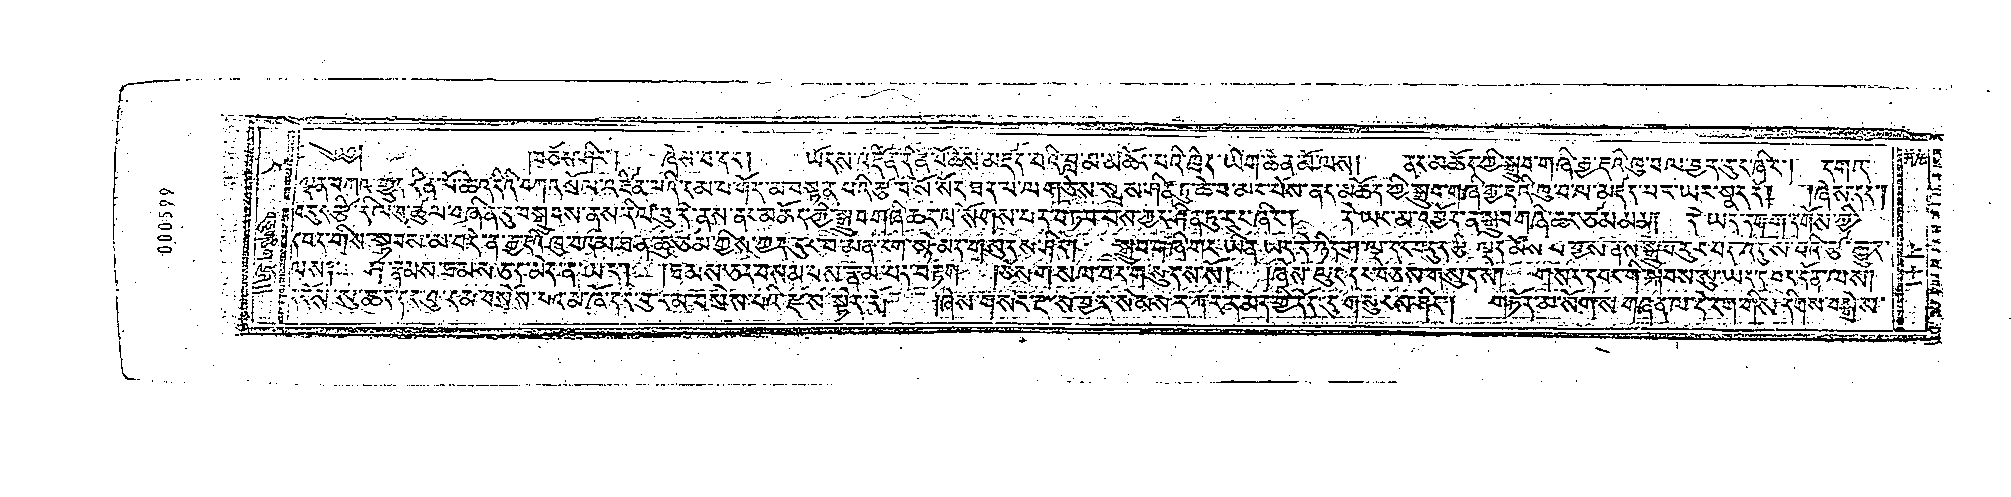༄༅། །བཅོས་ཤིང་། ཞེས་བ་དང་། ཡོངས་འཛིན་རིན་པོ་ཆེས་མཛད་བའི་བླ་མ་མཆོད་པའི་ཁྲིད་ཡིག་ཆེན་མོ་ལས། ནང་མཆོད་གྱི་སྒྲུབ་གཞི་རྒྱ་རྔའི་ཁུ་བ་ལ་བྱར་རུང་ཞིང་། དགའ་
ལྡན་བཀའ་གྱུར་རིན་པོ་ཆེ་འདིའི་བཀའ་སྲོལ་འཛིན་པའི་དམ་པ་གོང་མ་བསྟན་པའི་རྩ་བ་སོ་སོར་ཐར་པ་ལ་གཅེས་སྤྲས་ཤིན་ཏུ་ཆེ་བ་མང་པོས་ནང་མཆོད་ཀྱི་སྒྲུབ་གཞི་རྒྱ་ཇའི་ཁུ་བ་ལ་མཛད་པར་ཡང་སྣང་དོ། །ཞེས་དང་།
བདུད་རྩི་རིལ་བུ་ཚུལ་བཞིན་དུ་བསྒྲུབས་ནས་རིལ་བུ་དེ་ནས་ནང་མཆོད་ཀྱི་སྒྲུབ་གཞི་ཆང་ལ་སོགས་པར་བཏབ་པས་ཀྱང་ཤིན་ཏུ་རུང་ཞིང་། དེ་ཡང་མ་འབྱོར་ན་སྒྲུབ་གཞི་ཆང་ཙམ་མམ། དེ་ཡང་དགག་དགོས་ཀྱི་
དབང་གིས་སྟབས་མ་བདེ་ན་རྒྱ་ཇའི་ཁུ་བའམ་ཐན་ཆུ་ཙམ་གྱིས་ཀྱང་དུང་བ་མན་ངག་སྙེ་མར་གསུངས་ཤིང་། སྒྲུབ་གཞི་གང་ཡིན་ཡང་དེ་ཉིད་ཤ་ལྔ་དང་བདུད་རྩི་ལྔར་མོས་པ་བྱས་ནས་སྒྲུབ་རུང་བར་འདུས་པའི་རྩ་རྒྱུར་
ལས༑ ཤ་རྣམས་ཐམས་ཅད་མེད་ན་ཡང་། །ཐམས་ཅད་བསམ་པས་རྣམ་པར་བརྟག །ཅོས་གསལ་བར་གསུངས་སོ། །ཞེས་ལུང་དང་བཅས་གསུངས། གསང་དབང་གི་སྐབས་སུ་ཡང་དབང་དོན་ལས།
དངོས་སུ་ཆད་དང་བུ་རམ་བསྲོས་པའི་མ་ཞོ་དང་བུ་རམ་བསྲེས་པའི་རྫས་སྟེར་རོ། །ཞེས་གསང་རྫས་བྱང་སེམས་དཀར་དམར་གྱི་དོན་དུ་གསུངས་ཤིང་། གཏོར་མ་སོགས་གཞན་ལ་དེ་དག་གིས་རིགས་བསྒྲེས་